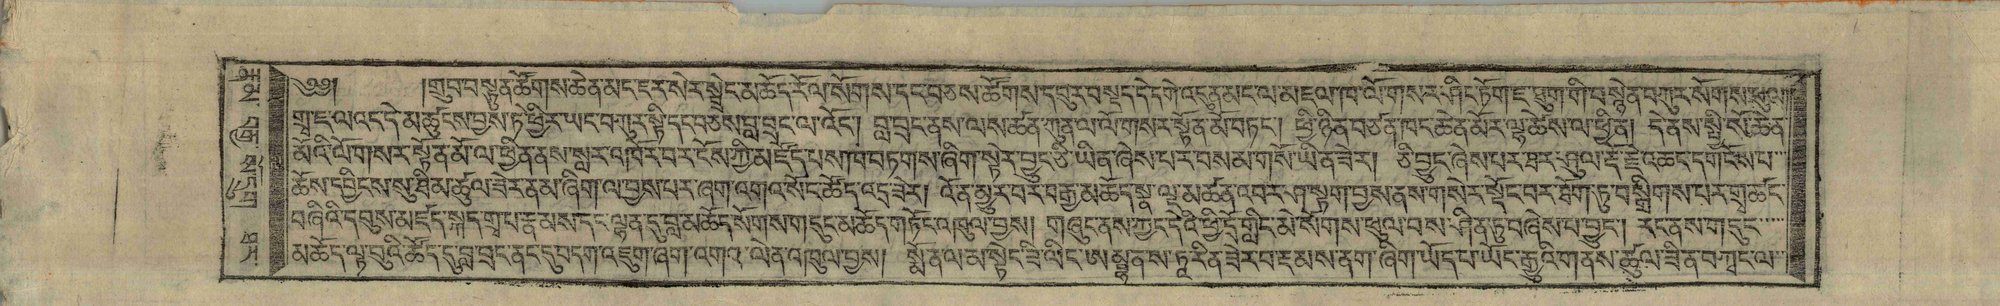༄༅། །གྲུབ་བསྟུན་ཚོགས་ཆེན་མང་ཇར་སེར་སྦྲེང་མཆོད་རོལ་སོགས་དང་བཅས་ཚོགས་དབུར་བསྡད་དེ་དགེ་འདུན་མང་ལ་མཇལ་ཁ་ལོ་གསར་ཤིང་ཏོག་ཇ་ཐུག་གི་བསྙེན་བཀུར་སོགས་ཕུལ།
གྲྭ་ཇ་ལའང་དེ་མཚུངས་བྱས་ཏེ་ཕྱིར་ཡང་བཀུར་སྟི་དང་བཅས་བླ་བྲང་ལ་འོང་། བླ་བྲང་ནས་ལས་ཚན་ཀུན་ལ་ལོ་གསར་སྟོན་མོ་བཏང་། ཕྱི་ཉིན་བཙན་ཁང་ཆེན་མོར་ལྷ་ཚེས་ལ་ཕྱིན། དེ་ནས་སྤྱི་སོ་ཆེན་
མོའི་ལོ་གསར་སྟོན་མོ་ལ་ཕྱིན་ནས་སླར་འཁོར་བར་ངོས་ཀྱི་མཛོད་པས་ཁ་བཏགས་ཞིག་སྟེར་བྱུང་ཅི་ཡིན་ཞེས་པར་བསམ་གསོ་ཡིན་ཟེར། ཅི་བྱུང་ཞེས་པར་ཐར་ཤུལ་རྡོ་རྗེ་འཆང་དགོངས་པ་
ཆོས་དབྱིངས་སུ་ཐིམ་ཚུལ་ཟེར་ནམ་ཞིག་ལ་བྱས་པར་ཞག་འགའ་སོང་ཚོད་འདྲ་ཟེར། འོ་ན་མྱུར་བར་བརྒྱ་མཆོད་སྣ་ལྔ་མཚན་འབར་ཤ་སྟག་བྱས་ནས་གསེར་སྡོང་བར་ཐོག་ཏུ་བསྒྲིགས་པར་གྲྭ་ཚང་
བཞིའི་དབུས་མཛད་སྐད་གྲྭ་པ་རྣམས་དང་ལྷན་དུ་བླ་མཆོད་སོགས་གདུང་མཆོད་གཏོང་འཁུལ་བྱས། གཞུང་ནས་ཀྱང་དེའི་ཕྱི་དྲོ་གླིང་མེ་སོགས་ཕུལ་བས་ཤིན་ཏུ་བཞེས་པ་བྱུང་། རང་ནས་གདུང་
མཆོད་ལྟ་བུའི་ཚོད་དུ་བླ་བྲང་ནང་དུ་བདག་འཇུག་ཞག་འགའ་ལེན་འཁུལ་བྱས། སྨོན་ལམ་སྟེང་ཟི་ལིང་ཨམྦྷན་ས་ཏཱ་རིན་ཟེར་བ་རྔམས་ནག་ཞིག་ཡོད་པ་ཡོང་རྒྱུའི་གནས་ཚུལ་ཟིན་བཀྭང་ལ་